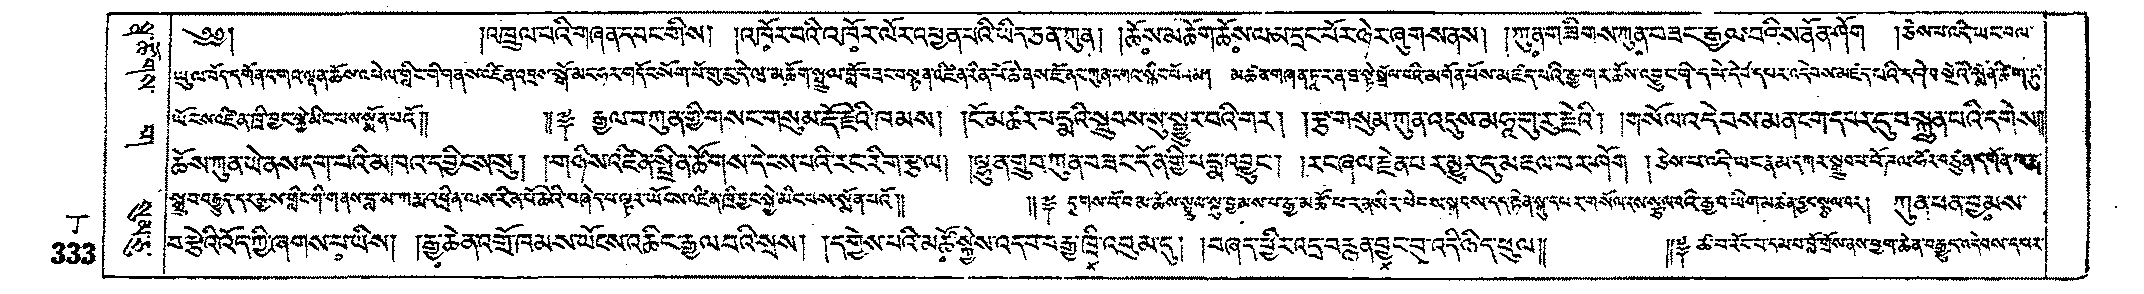༄༅། །འཁྲུལ་པའི་གཞན་དབང་གིས། །འཁོར྾་བའི་འཁོར྾་ལོར་འཕྱན་པའི་ཡིད་ཅན་ཀུན། །ཆོས྾་མཆོག་ཆོས྾་ལམ་དྲང་པོར་ཉེར་ཞུགས་ནས། །ཀུན྾་གཟིགས་ཀུན྾་བཟང་རྒྱལ་བའི་ས་ནོན་ཤོག །ཅེས་པ་འདི་ཡང་བལ་
ཡུལ་བོད་དགོན་དགའ་ལྡན་ཆོས་འཕེལ་གླིང་གི་གནས་འཛིན་འབྲས་སྒོ་མང་ཧར་གདོང་སོག་པོ་གུ་རུ་དེ་ཝ་མཆོག་སྤྲུལ་བློ་བཟང་བསྟན་འཛིན་རིན་པོ་ཆེ་ནས་ཇོ་ནང་ཀུན་དགའ་སྙིང་པོའམ། མཚན་གཞན་ཏཱ་ར་ན་ཐ་སྟེ་སྒྲོལ་བའི་མགོན་པོས་མཛད་པའི་རྒྱ་གར་ཆོས་འབྱུང་གི་དཔེ་དེབ་དཔར་འདེབས་མཛད་པའི་དགེ་བ་སྔོའི་སྨོན་ཚིག་ཏུ་
ཡོངས་འཛིན་ཁྲི་བྱང་སྐྱེ་མིང་པས་སྨོན་པའོ།། །། འ་རྒྱལ་བ་ཀུན་གྱི་གསང་གསུམ་རྡོ་རྗེའི་ཁམས། །ངོ་མཚར་པདམའི་སྦུབས་སུ་སྒྱུར་བའི་གར། །རྩ་གསུམ་ཀུན་འདུས་མྷཱ་གུ་རུ་རྗེའི། །གསོལ་འདེབས་མན་ངག་དཔར་དུ་བསྐྲུན་པའི་དགེས།།
ཆོས་ཀུན་ཡེ་ནས་དག་པའི་མཁའ་དབྱིངས་སུ། །གཉིས་འཛིན་སྤྲིན་ཚོགས་དེངས་པའི་རང་རིག་རྩལ། །ལྷུན་གྲུབ་ཀུན་བཟང་དོན་གྱི་པདམ་འབྱུང་། །རང་ཞལ་རྗེན་པར་མྱུར་དུ་མཇལ་བར་ཤོག །ཅེས་པ་འདི་ཡང་རྣམ་དཀར་སྒྲུབ་པ་པོ་ཌལ་ཧོར་བཙུན་དགོན་ཀརྨ་
སྒྲུབ་བརྒྱུད་དར་རྒྱས་གླིང་གི་གནས་བླ་མ་ཀརྨ་འཕྲིན་ལས་རིན་པོ་ཆེའི་བཞེད་པ་ལྟར་ཡོངས་འཛིན་ཁྲི་བྱང་སྐྱེ་མིང་པས་སྨོན་པའོ།། །། འ་དྭགས་པོ་བམ་ཆོས་སྤྲུལ་སྐུ་བྱམས་པ་རྒྱ་མཚོ་ཕ་རན་སིར་ཕེབས་སྐབས་དད་རྟེན་སྐུ་དཔར་གསོལ་རས་སྩལ་བའི་རྒྱབ་ཡིག་མཚན་དྱང་སྩལ་བར། ཀུན་ཕན་བྱམས྾་
བརྩེའི་འོད་ཀྱི་ཞགས་པ྾་ཡིས། །རྒྱ྾་ཆེན་འགྲོ་ཁམས་ཡོངས་འཆིང་རྒྱལ་བའི་སྲས། །དགྱེས་པའི་མཚོ྾་སྐྱེས་འདབ་བརྒྱ་ཁྲི྾་འབུམ་དུ། །བཞད་ཕྱིར་འདྲ་བརྙན་བྱང྾་བུ་འདི་ཉིད་ཕུལ།། །། འ་ཚ་བ་རོང་པ་དམ་པ་བློ་གྲོས་ནས་ཕྱག་ཆེན་བརྒྱུད་འདེབས་དཔར་